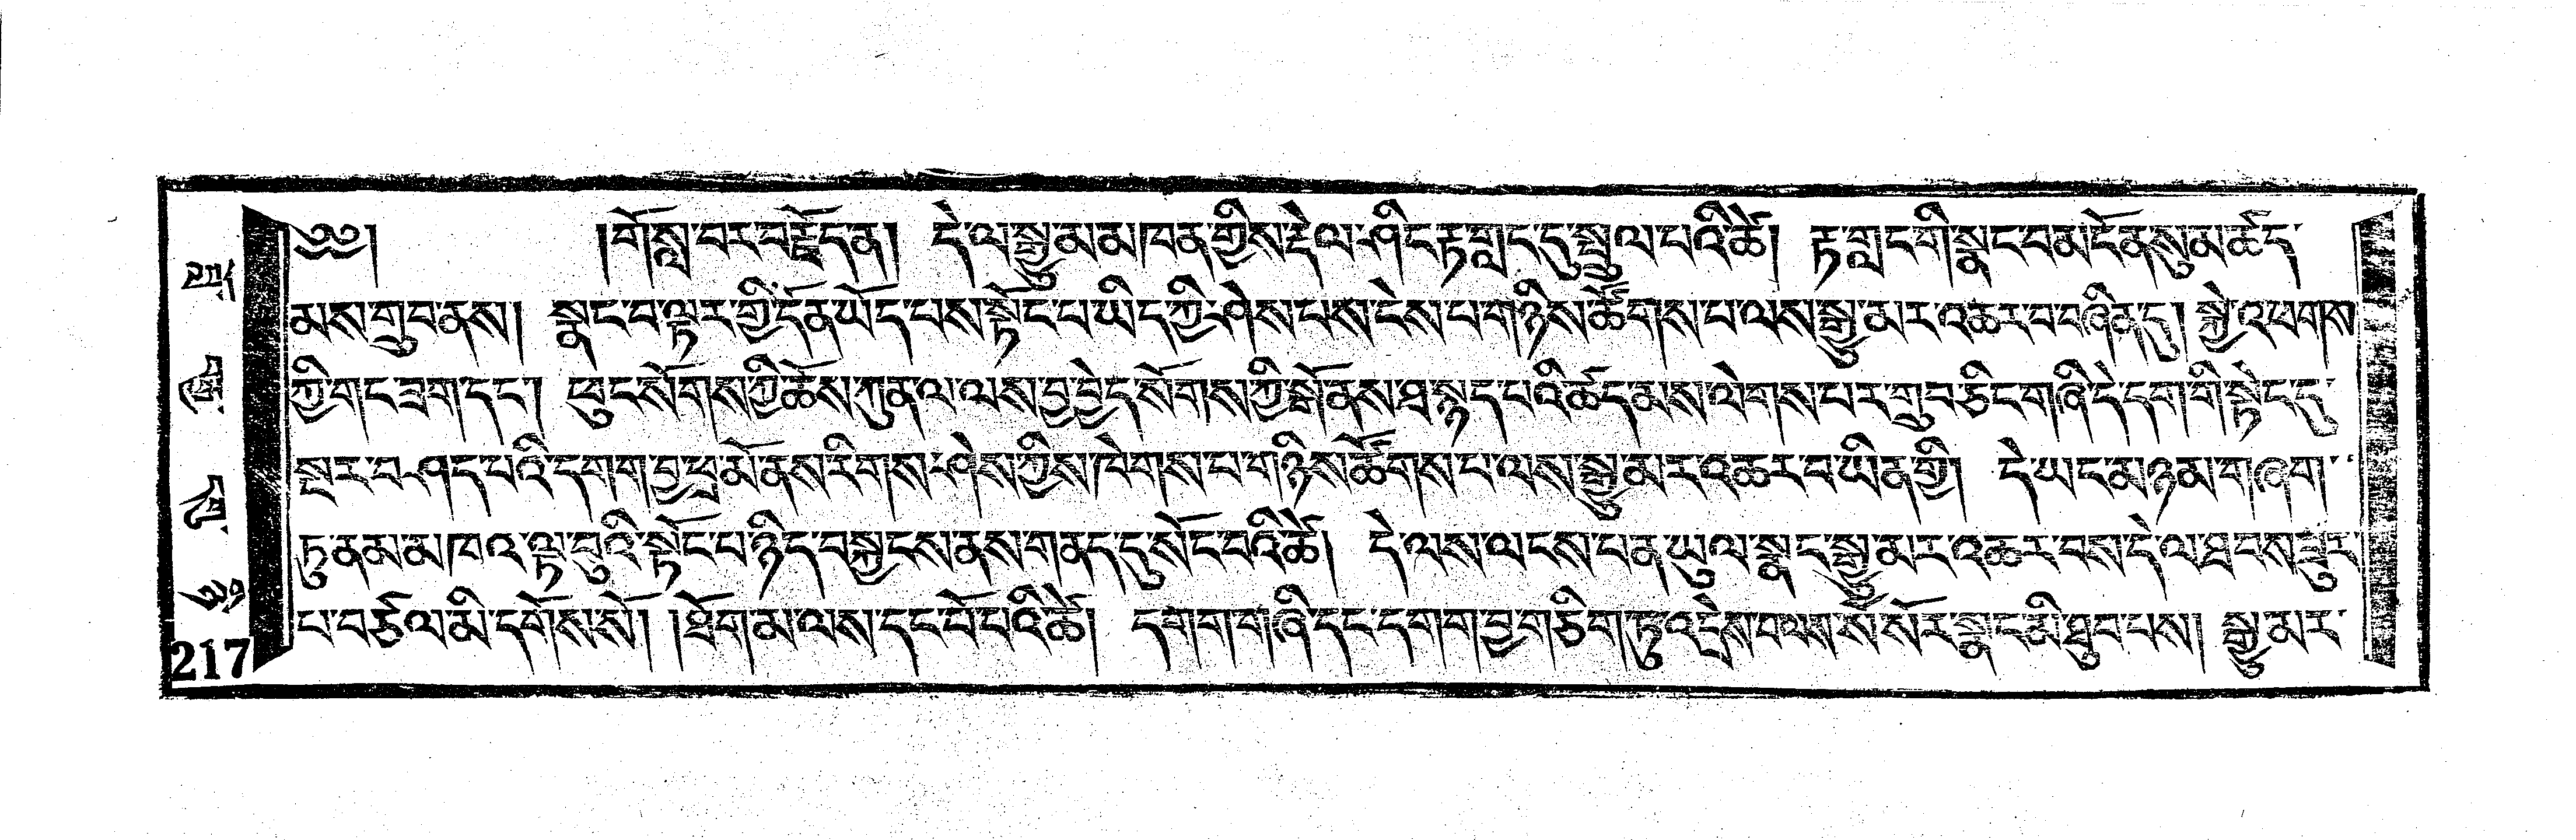༄༅། །གོ་སླ་བར་བརྗོད་ན། དེ་ལ་སྒྱུ་མ་མཁན་གྱིས་རྡེལ་ཤིང་རྟ་གླང་དུ་སྤྲུལ་པའི་ཚེ། རྟ་གླང་གི་སྣང་བ་མངོན་སུམ་ཚད་
མས་གྲུབ་ནས། སྣང་བ་ལྟ་གྱི་དོན་ཡོད་པས་སྟོང་པ་ཡིད་ཀྱི་ཤེས་པས་ངེས་པ་གཉིས་ཚོགས་པ་ལས་སྒྱུ་མར་འཆར་བ་བཞིན་དུ། སྐྱེ་འཕགས་
ཀྱི་གང་ཟག་དང་། ཕུང་སོགས་ཀྱི་ཆོས་ཀུན་ལ་ལས་བྱ་བྱེད་སོགས་ཀྱི་སྒོ་ནས་ཐ་སྙད་པའི་ཚད་མས་ལེགས་པར་གྲུབ་ཅིག་གཞི་དེ་དག་གི་སྟེང་དུ་
སྔར་བཤད་པའི་དགག་བྱ་ཕྲ་མོ་ནས་རིགས་ཤེས་ཀྱིས་ཁེགས་པ་གཉིས་ཚོགས་པ་ལས་སྒྱུ་མར་འཆར་བ་ཡིན་གྱི། དེ་ཡང་མཉམ་གཞི་
ཏུ་ནམ་མཁའ་ལྟ་བུའི་སྟོང་པ་ཉིད་བསྐྱངས་ནས་གནད་དུ་སོང་བའི་ཚེ། དེ་ལས་ལངས་པ་ན་ཡུལ་སྣང་སྒྱུ་མར་འཆར་བས་དེ་ལ་ཐབས་ཟུར་
པ་བཙལ་མི་དགོས་སོ། །ཐོག་མ་ལས་དང་པོ་པའི་ཚེ། དགག་གཞི་དང་དགག་བྱ་གཅིག་ཏུ་འདྲེས་པ་ལས་སོ་སོར་སྣང་མི་ཐུབ་པས། སྒྱུ་མར་